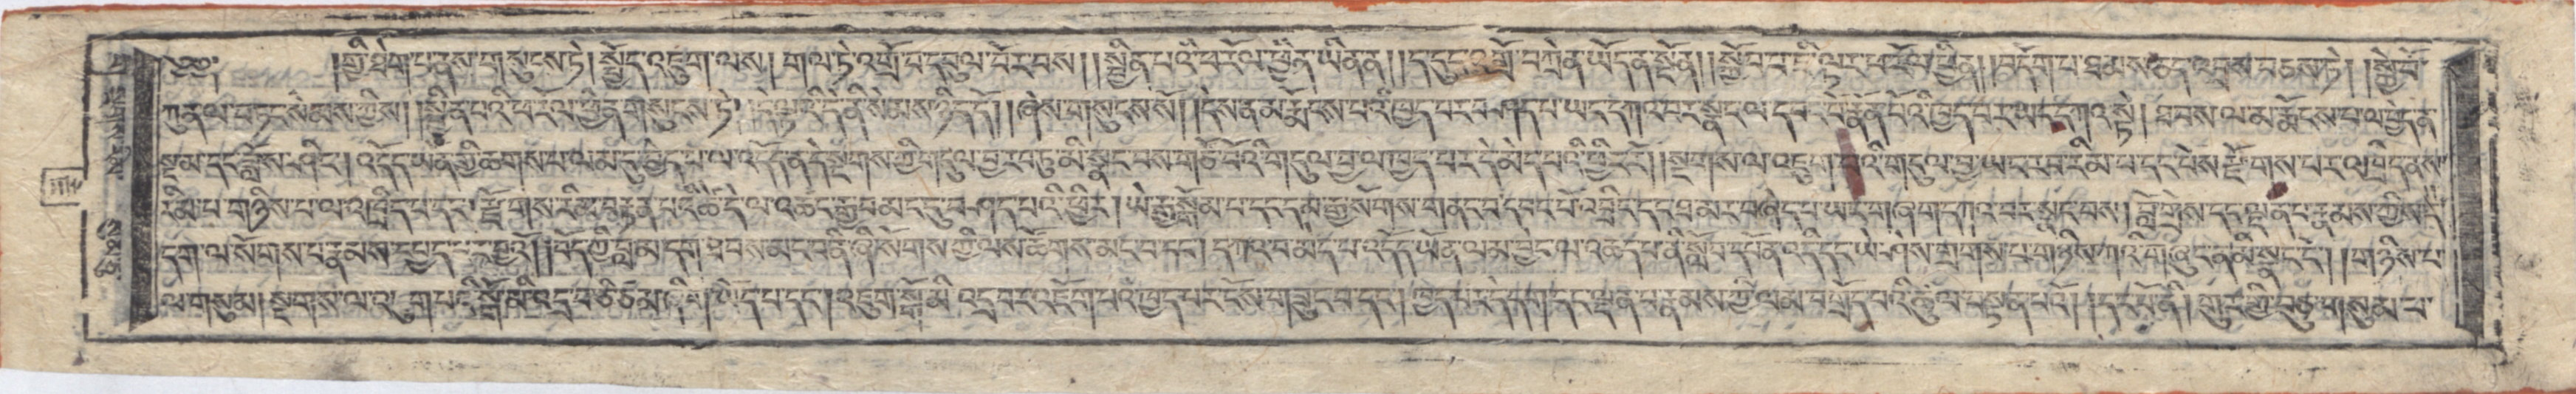༄༅། །གྱི་ཐེག་པ་ནས་གསུངས་ཏེ། སྤྱོད་འཇུག་ལས། གལ་ཏེ་འགྲོ་བ་དབུལ་བོར་བས། །སྦྱིན་པའི་ཕ་རོལ་ཕྱིན་ཡིན་ན། །ད་དུང་འགྲོ་བཀྲེན་ཡོད་ན་སྔོན། །སྐྱོབ་པ་ཇི་ལྟར་ཕ་རོལ་ཕྱིན། །བདོག་པ་ཐམས་ཅད་འབྲས་བཅས་ཏེ། །སྐྱེ་བོ་
ཀུན་ལ་བཏང་སེམས་ཀྱིས། །སྦྱིན་པའི་ཕ་རོལ་ཕྱིན་གསུངས་ཏེ། །དེ་ལྟའི་དེ་ནི་སེམས་ཉིད་དོ། །ཞེས་གསུངས་སོ། །དེས་ན་མ་རྨོངས་པའི་ཁྱད་པར་བཤད་པ་ཡང་དཀའ་བར་སྣང་ལ་དབང་པོ་རྣོན་པོའི་ཁྱད་པར་ཡང་དཀའ་སྟེ། ཐབས་ལ་མ་རྨོངས་པ་ལ་བྱེད་ན་
སྔ་མ་དང་ཟློས་ཤིང་། འདོད་ཡོན་གྱི་ཆགས་པ་ལམ་དུ་བྱེད་པ་ལ་འདོད་ན་དེ་སྔགས་ཀྱི་གདུལ་བྱ་རབ་ཏུ་མི་སྣང་བས་གཙོ་བོའི་གདུལ་བྱ་ལ་ཁྱད་པར་དེ་མེད་པའི་ཕྱིར་རོ། །སྔགས་ལ་འཇུག་པའི་གདུལ་བྱ་ཡང་རབ་རིམ་པ་དང་པོས་རྫོགས་པར་འཁྲིད་ནས་རབ་རིམ་པ་དང་པོས་རྫོགས་པར་འཁྲིད་ནས་
རིམ་པ་གཉིས་པ་ལ་འཁྲིད་པ་དང་། རྫོགས་རིམ་བརྟན་པའི་ཚེ་དེ་ལ་འཚང་རྒྱ་བ་མང་དུ་བཤད་པའི་ཕྱིར། ཡེ་རྒྱ་སྒོམ་པ་དང་དམ་རྒྱ་སོགས་གནང་བ་དབང་པོ་འབྲིང་དང་ཐ་མར་བཞེད་པ་ཡང་གཞག་དཀའ་བར་སྣང་བས། བློ་གྲོས་དང་ལྡན་པ་རྣམས་ཀྱིས་དེ་
དག་ལ་སོགས་པ་རྣམས་དཔྱད་པར་བྱའོ། །བོད་ཀྱི་བླ་མ་དག་ཐབས་མང་བ་ནི་ཞི་སོགས་ཀྱི་ལས་ཚོགས་མང་བ་དང་། དཀའ་བ་མེད་པ་འདོད་ཡོན་ལམ་བྱེད་ལ་འཆད་པ་ནི་སློབ་དཔོན་འདི་དང་ཡེ་ཤེས་གྲགས་པ་གཉིས་ཀའི་གཞུང་ན་མི་སྣང་ངོ། །གཉིས་པ་
ལ་གསུམ། སྔགས་ལ་འཇུག་པའི་སྒོ་མི་འདྲ་བ་ཅི་ཙམ་ཞིག་ཡོད་པ་དང་། འཇུག་སྒོ་མི་འདྲ་བར་འཇོག་པའི་ཁྱད་པར་ངོས་གཟུང་བ་དང་། ཁྱད་པར་དེ་དག་དང་ལྡན་པ་རྣམས་ཀྱི་ལམ་བགྲོད་པའི་ཚུལ་བསྟན་པའོ། །དང་པོ་ནི། གུར་གྱི་བཅུ་གསུམ་པ་